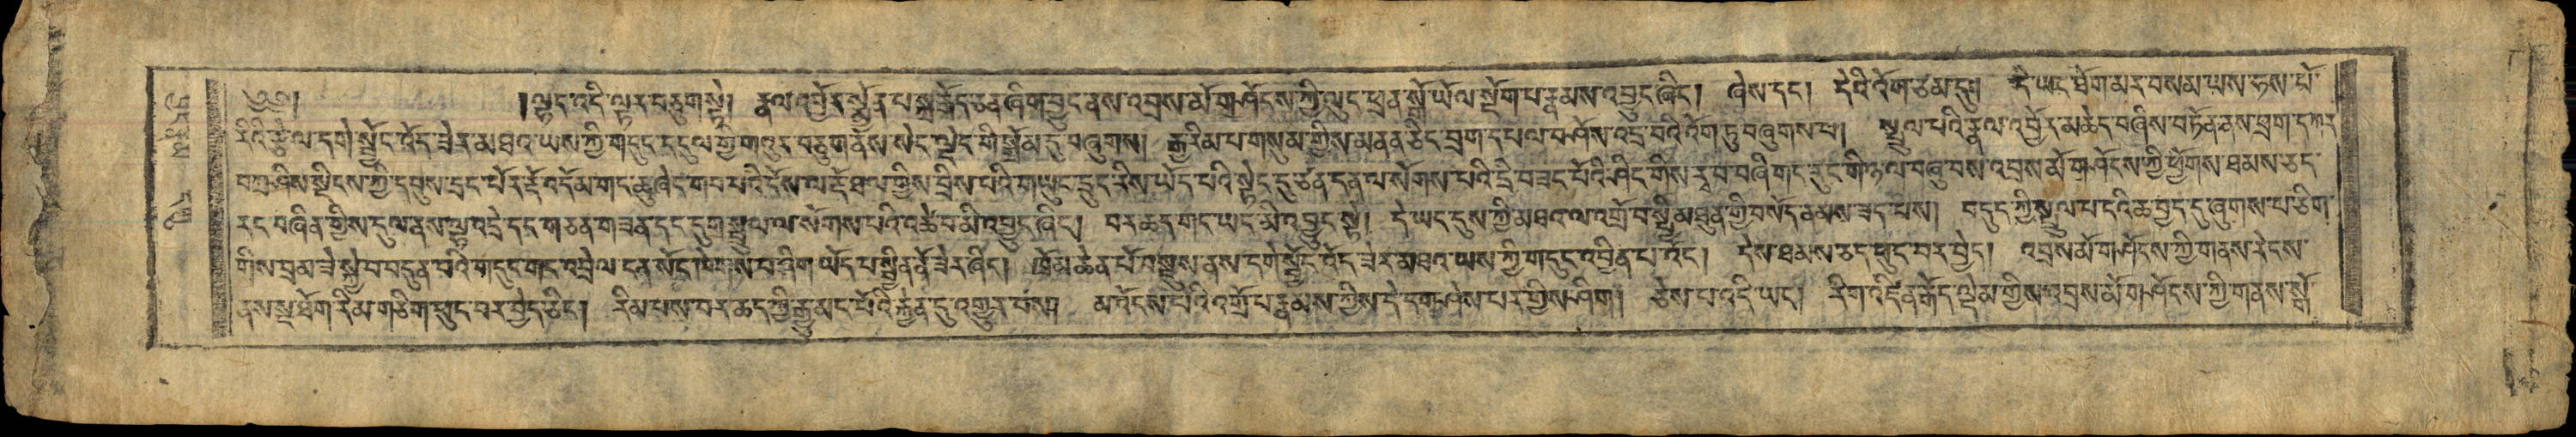༄༅། །ལྷད་འདི་ལྟར་བཅུག་སྟེ། རྣལ་འབྱོར་སྨྱོན་པ་སྐྲ་རྒོད་ཅན་ཞིག་བྱུང་ནས་འབྲས་མོ་གཤེངས་ཀྱི་ལུང་ཕྲན་སྒོ་ཡོལ་སྡོག་པ་རྣམས་འབྱུང་ཞིང་། ཞེས་དང་། དེའི་འོག་ཙམ་དུ། དེ་ཡང་ཐོག་མར་བསམ་ཡས་ཧས་པོ་
རིའི་རྩེ་ལ་དགེ་སྦྱོང་འོད་ཟེར་མཐའ་ཡས་ཀྱི་གདུང་དངུལ་གྱི་གའུར་བཅུག་ནས་སེང་ལྡེང་གི་སྒྲོམ་དུ་བཞུགས། རྒྱ་རིམ་པ་གསུམ་གྱིས་མནན་ཅིང་བྲག་དཔལ་བཤོས་འདྲ་བའི་འོག་ཏུ་བཞུགས་པ། སྤྲུལ་པའི་རྣལ་འབྱོར་མཆེད་བཞིས་བཏོན་ནས་བྲག་དཀར་
བཀྲ་ཤིས་སྡིངས་ཀྱི་དབུས་དྲང་པོར་རྡོ་འདོམ་གང་ཆུ་ཞེང་གབ་པའི་ངོས་ལ་རྡོ་ཐལ་གྱིས་བྲིས་པའི་གཡུང་དྲུང་རིས་ཡོད་པའི་སྟེང་དུ་ཙན་དན་ལ་སོགས་པའི་དྲི་བཟང་པོའི་ཤིང་གིས་རྭ་བ་བཞི་གང་རུང་གི་ཉ་ལ་བཞུ་བས་འབྲས་མོ་གཤོངས་ཀྱི་ཕྱོགས་ཐམས་ཅད་
རང་བཞིན་གྱིས་དུལ་ནས་ལྷ་འདྲེ་དང་གཅན་གཟན་དང་དུག་སྤྲུལ་ལ་སོགས་པའི་འཚེ་བ་མི་འབྱུང་ཞིང་། བར་ཆད་གང་ཡང་མི་འབྱུང་སྟེ། དེ་ཡང་དུས་ཀྱི་མཐའ་ལ་འགྲོ་བ་སྤྱི་མཐུན་གྱི་བསོད་ནམས་ཟད་པས། བདུད་ཀྱི་སྤྲུལ་བ་ངའི་ཆ་བྱད་དུ་ཞུགས་པ་ཅིག་
གིས་བྲམ་ཟེ་སྐྱེ་བ་བདུན་པའི་གདུང་གང་འབྲེལ་ངན་སོང་ཁེགས་པ་ཞིག་ཡོད་པ་སྦྱིན་ནོ་ཟེར་ཞིང་། ཁྲོམ་ཆེན་པོ་བསྡུས་ནས་དགེ་སྦྱོང་འོད་ཟེར་མཐའ་ཡས་ཀྱི་གདུང་འབྱིན་པ་འོང་། དེས་ཐམས་ཅད་ཕུང་བར་བྱེད། འབྲས་མོ་གཤོངས་ཀྱི་གནས་རེངས་
ནས་སྔ་ཐོག་རིམ་གཅིག་ཕུང་བར་བྱེད་ཅིང་། རིམ་པས་བར་ཆད་ཀྱི་རྒྱུ་མང་པོའི་རྐྱེན་དུ་འགྱུར་བས། མ་འོངས་པའི་འགྲོ་བ་རྣམས་ཀྱིས་དེ་དག་ཤེས་པར་གྱིས་ཤིག། ཅེས་པ་འདི་ཡང་། རིག་འཛིན་རྒོད་ལྡེམ་གྱིས་འབྲས་མོ་གཤེངས་ཀྱ་གནས་སྒོ་